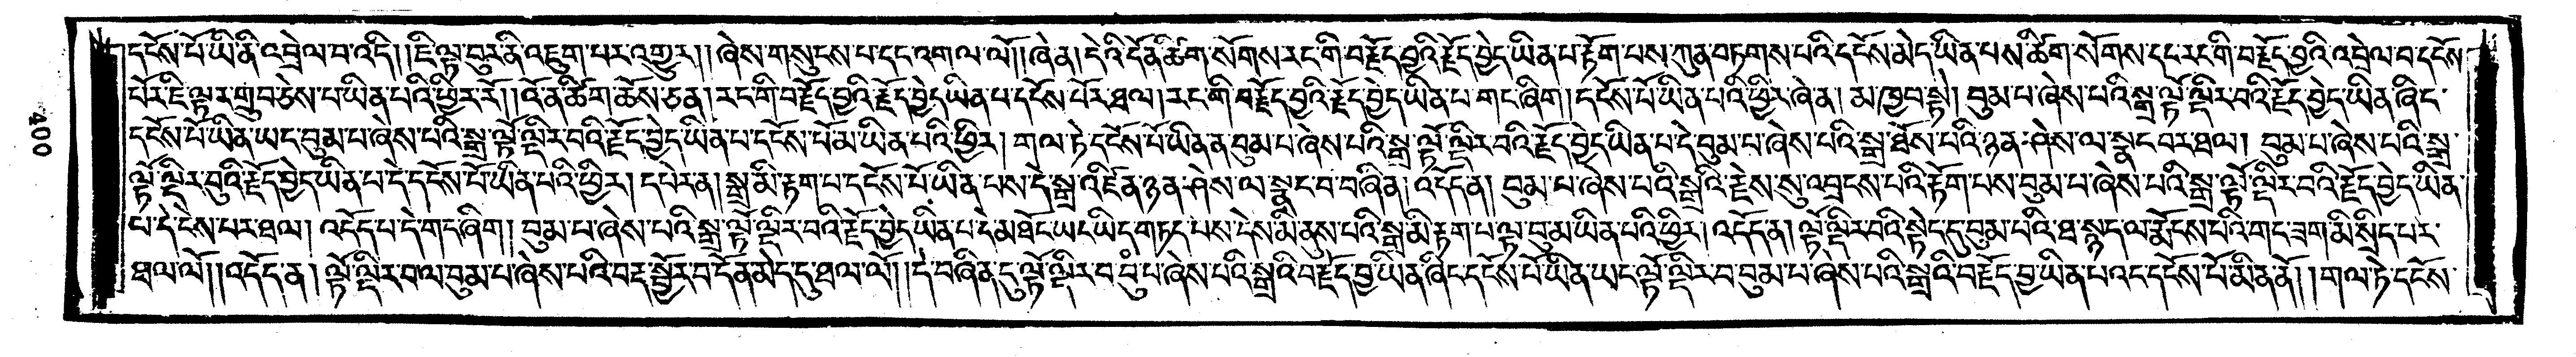དངོས་པོ་ཡི་ནི་འབྲེལ་པ་འདི། །ཇི་ལྟ་བུར་ནི་འཇུག་པར་འགྱུར། །ཞེས་གསུངས་པ་དང་འགལ་ལོ། །ཞེ་ན། དེའི་དོན་ཚིག་སོགས་རང་གི་བརྗོད་བྱའི་རྗོད་བྱེད་ཡིན་པ་རྟོག་པས་ཀུན་བཏགས་པའི་དངོས་མེད་ཡིན་པས་ཚིག་སོགས་དང་རང་གི་བརྗོད་བྱའི་འབྲེལ་པ་དངོས་
པོར་ཇི་ལྟར་གྲུབ་ཅེས་པ་ཡིན་པའི་ཕྱིར་རོ། །འོ་ན་ཚིག་ཆོས་ཅན། རང་གི་བརྗོད་བྱའི་རྗོད་བྱེད་ཡིན་པ་དངོས་པོར་ཐལ། རང་གི་བརྗོད་བྱའི་རྗོད་བྱེད་ཡིན་པ་གང་ཞིག །དངོས་པོ་ཡིན་པའི་ཕྱིར་ཞེ་ན། མ་ཁྱབ་སྟེ། བུམ་པ་ཞེས་པའི་སྒྲ་ལྟོ་ལྡིར་བའི་རྗོད་བྱེད་ཡིན་ཞིང་
དངོས་པོ་ཡིན་ཡང་བུམ་པ་ཞེས་པའི་སྒྲ་ལྟོ་ལྡིར་བའི་རྗོད་བྱེད་ཡིན་པ་དངོས་པོ་མ་ཡིན་པའི་ཕྱིར། གལ་ཏེ་དངོས་པོ་ཡིན་ན་བུམ་པ་ཞེས་པའི་སྒྲ་ལྟོ་ལྡིར་བའི་རྗོད་བྱེད་ཡིན་པ་དེ་བུམ་པ་ཞེས་པའི་སྒྲ་ཐོས་པའི་ཉན་ཤེས་ལ་སྣང་བར་ཐལ། བུམ་པ་ཞེས་པའི་སྒྲ་
ལྟོ་ལྡིར་བའི་རྗོད་བྱེད་ཡིན་པ་དེ་དངོས་པོ་ཡིན་པའི་ཕྱིར། དཔེར་ན། སྒྲ་མི་རྟག་པ་དངོས་པོ་ཡིན་པས་དེ་སྒྲ་འཛིན་ཉན་ཤེས་ལ་སྣང་བ་བཞིན། འདོད་ན། བུམ་པ་ཞེས་པའི་སྒྲའི་རྗེས་སུ་འབྲངས་པའི་རྟོག་པས་བུམ་པ་ཞེས་པའི་སྒྲ་ལྟོ་ལྡིར་བའི་རྗོད་བྱེད་ཡིན་
པ་དེ་ངེས་པར་ཐལ། འདོད་པ་དེ་གང་ཞིག །བུམ་པ་ཞེས་པའི་སྒྲ་ལྟོ་ལྡིར་བའི་རྗོད་བྱེད་ཡིན་པ་དེ་མཐོང་ཡང་ཡིད་གཏད་པས་ངེས་མི་ནུས་པའི་སྒྲ་མི་རྟག་པ་ལྟ་བུ་མ་ཡིན་པའི་ཕྱིར། འདོད་ན། ལྟོ་ལྡིར་བའི་སྟེང་དུ་བུམ་པའི་ཐ་སྙད་ལ་རྨོངས་པའི་གང་ཟག་མི་སྲིད་པར་
ཐལ་ལོ། །འདོད་ན། ལྟོ་ལྡིར་བ་ལ་བུམ་པ་ཞེས་པའི་བརྡ་སྦྱོར་བ་དོན་མེད་དུ་ཐལ་ལོ། །དེ་བཞིན་དུ་ལྟོ་ལྡིར་བ་བུཾ་པ་ཞེས་པའི་སྒྲའི་བརྗོད་བྱ་ཡིན་ཞིང་དངོས་པོ་ཡིན་ཡང་ལྟོ་ལྡིར་བ་བུམ་པ་ཞེས་པའི་སྒྲའི་བརྗོད་བྱ་ཡིན་པའང་དངོས་པོ་མིན་ནོ། །གལ་ཏེ་དངོས་